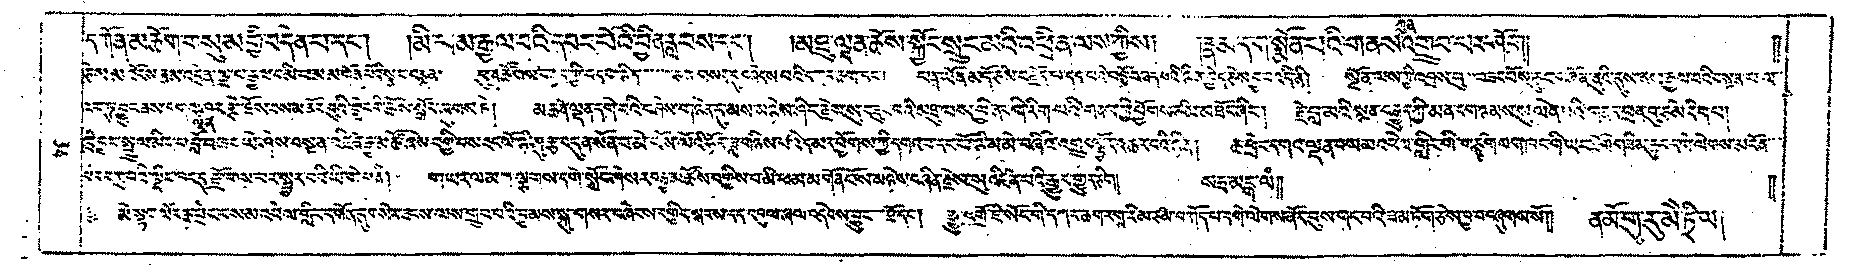དཀོན་མཆོག་གསུམ་གྱི་བདེན་པ་དང་། །མི་ཕམ་རྒྱལ་བའི་དབང་པོའི་བྱིན་རླབས་དང་། །མཐུ་ལྡན་ཆོས་སྐྱོང་སྲུང་མའི་འཕྲིན་ལས་ཀྱིས། །རྣམ་དག་སྨོན་པའི་གནས་ཀུན་འགྲུབ་པར་ཤོག ། །།
ཅེས་མ་འོངས་རྣམ་འདྲེན་སྔ་པ་རྒྱལ་བ་མི་ཕམ་མགོན་པོའི་སྣང་བརྙན། ཕུན་ཚོགས་བརྒྱད་ཀྱི་བདག་ཉིད་ཅན་གསར་དུ་བཞེངས་པའི་དཀར་ཆག་དང་། ཕན་ཡོན་མདོ་ཙམ་བརྗོད་པ་དད་པའི་པདམོ་བཞད་པའི་ཉིན་བྱེད་ཅེས་བྱ་བ་འདི་ནི། སྔོན་ལས་ཀྱི་འབྲས་བུ་བཟང་པོས་ཆུང་གཞོན་ནུའི་དུས་ནས་རྒྱལ་བའི་བསྟན་པ་ལ་
རབ་ཏུ་བྱུང་ནས་དགའ་ལྡན་ཤར་རྩེ་ཐོས་བསམ་ནོར་བུའི་གླིང་གི་ཆོས་སྒོར་ཞུགས་ཏེ། མཚན་ལྡན་དགེ་བའི་བཤེས་གཉེན་དུ་མས་མཉེས་ཤིང་རྗེས་སུ་བཟུང་བའི་མཐུ་ལས་ཕྱི་ནང་གི་རིག་པའི་གནས་ཀྱི་ཕྱོགས་ཙམ་མཐོང་ཞིང་། རྗེ་བླ་མའི་སྙན་བརྒྱུད་ཀྱི་མན་ངག་ཉམས་སུ་ལེན་པའི་གནད་ཕྲན་བུ་ཙམ་རིག་པ།
ཁྲི་བྱང་སྤྲུལ་མིང་པ་བློ་བཟང་ཡེ་ཤེས་བསྟན་འཛིན་རྒྱ་མཚོ་ཞེས་བགྱི་པས་རང་ལོ་ཉི་ཤུ་རྩ་བདུན་སོན་པ་མེ་ཡོས་ལོའི་ཧོར་ཟླ་གཉིས་པའི་དམར་ཕྱོགས་ཀྱི་དགའ་བ་དང་པོ་ཉི་མ་མེ་བཞིའི་འགྲུབ་སྦྱོར་འཆར་བའི་ཉིན། ཆ་ཕྲེང་དགའ་ལྡན་བསམ་འཕེལ་གླིང་གི་གཙུག་ལག་ཁང་གི་ཡང་ཐོག་གཟིམ་ཆུང་དགེ་ལེགས་མངོན་
པར་བཀྲ་བའི་ལྡིང་ཁང་དུ་རྫོགས་པར་སྦྱར་བའི་ཡི་གེ་པ་ནི། གཡར་ལམ་ཀ་ལྕགས་དགེ་སློང་ཤེས་རབ་རྒྱ་མཚོས་བགྱིས་པ་མི་ཕམ་མགོན་པོས་མཉེས་བཞིན་རྗེས་སུ་འཛིན་པའི་རྒྱུར་གྱུར་ཅིག །སརྦ་མངྒ་ལཾ།། །།
༈ མེ་སྟག་ལོར་ཆ་ཕྲེང་བསམ་འཕེལ་གླིང་དགོན་དུ་གསེར་ཟངས་ལས་གྲུབ་པའི་བྱམས་སྐུ་གསར་བཞེངས་བགྱིད་སྐབས་དད་འབུལ་ཞལ་འདེབས་བྱུང་ཐོ་དང་། རྒྱུ་འགྲོ་ཇི་སོང་གི་དཀར་ཆག་རགས་རིམ་ཙམ་བཀོད་པ་དགེ་ལེགས་ནོར་བུས་གང་བའི་ཟམ་ཏོག་ཅེས་བྱ་བ་བཞུགས་སོ། །ན་མོ་གུ་རུ་མཻ་ཏྲི་ཡ།